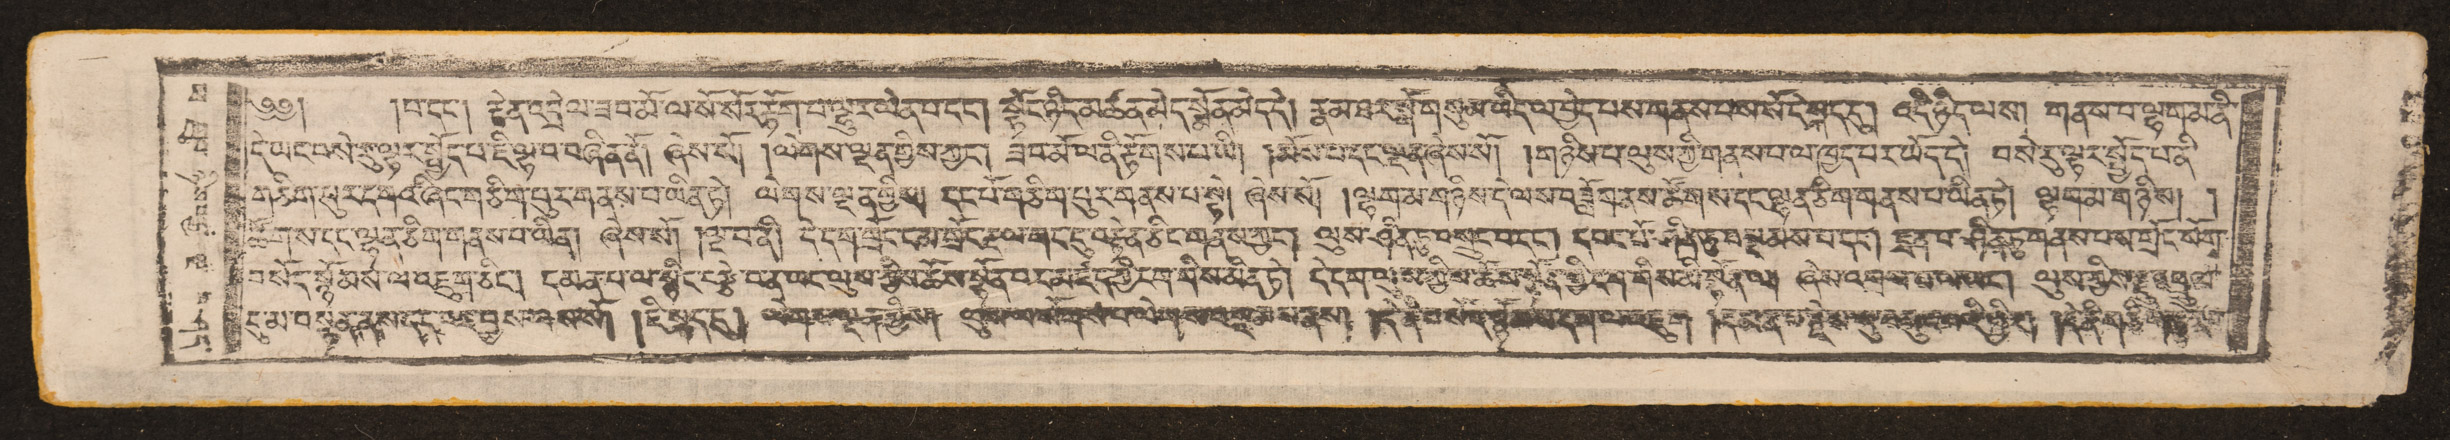༄༅། །པ་དང་། རྟེན་འབྲེལ་ཟབ་མོ་ལ་སོ་སོར་རྟོག་པ་ལྷུར་ལེན་པ་དང་། སྟོང་ཉིད་མཚན་མེད་སྨོན་མེད་དེ། རྣམ་ཐར་སྒོ་གསུམ་ཡིད་ལ་བྱེད་པས་གནས་པས་སོ་དེ་སྐད་དུ། འདི་ཉིད་ལས། གནས་པ་ལྷག་མ་ནི་
དེ་ཡང་བསེ་རུ་ལྟར་སྤྱོད་པ་ཇི་ལྟ་བ་བཞིན་ནོ། ཞེས་སོ། །ལེགས་ལྡན་གྱིས་ཀྱང་། ཟབ་མོ་ལ་ནི་རྟོགས་པ་ཡི། །མོས་པ་དང་ལྡན་ཞེས་སོ། །གཉིས་པ་ལུས་ཀྱི་གནས་པ་ལ་ཁྱད་པར་ཡོད་དེ། བསེ་རུ་ལྟར་སྤྱོད་པ་ནི་
གཅིག་པུར་དགའ་ཞིང་གཅིག་པུར་གནས་པ་ཡིན་ཏེ། ལེགས་ལྡན་གྱིས། དང་པོ་གཅིག་པུར་གནས་པ་སྟེ། ཞེས་སོ། །ལྷག་མ་གཉིས་དེ་ལས་བཟློག་ནས་ཚོགས་དང་ལྷན་ཅིག་གནས་པ་ཡིན་ཏེ། ལྷག་མ་གཉིས། །
ཚོགས་དང་ལྷན་ཅིག་གནས་པ་ཡིན། ཞེས་སོ། །ལྔ་པ་ནི། དེ་དག་གྲོང་ངམ་གྲོང་རྡལ་གང་དུ་བརྟེན་ཅིང་གནས་ཀྱང་། ལུས་ཤིན་ཏུ་བསྲུང་བ་དང་། དབང་པོ་ཤིན་ཏུ་བསྔམས་པ་དང་། དྲན་པ་ཤིན་ཏུ་གནས་པས་གྲོང་སོགས་
བསོད་སྙོམས་ལ་འཇུག་ཅིང་། དམན་པ་ལ་སྙིང་བརྩེ་བ་ན་ཡང་ལུས་ཀྱིས་ཆོས་སྟོན་བར་མཛད་ཀྱི་ངག་གིས་མིན་ཏེ། དེ་དག་ལུས་ཀྱིས་ཆོས་སྟོན་གྱི་ངག་གིས་མི་སྟོན་ལ། ཞེས་འགྲས་པ་ལ་ཡང་། ལུས་ཀྱིས་རྫུ་འཕྲུལ་
དུ་མ་བསྟན་ནས་དད་པར་བྱས་པས་སོ། །ཇི་སྐད་དུ། ལེགས་ལྡན་གྱིས། ལུས་ལ་སོགས་པ་ལེགས་བསྡམས་ནས། །དེ་ནི་བསོད་སྙོམས་དག་ལ་འཇུག །དམན་པ་རྗེས་སུ་བཟུང་བའི་ཕྱིར། །དེ་ནི་གཅིག་ཏུ་རབ་